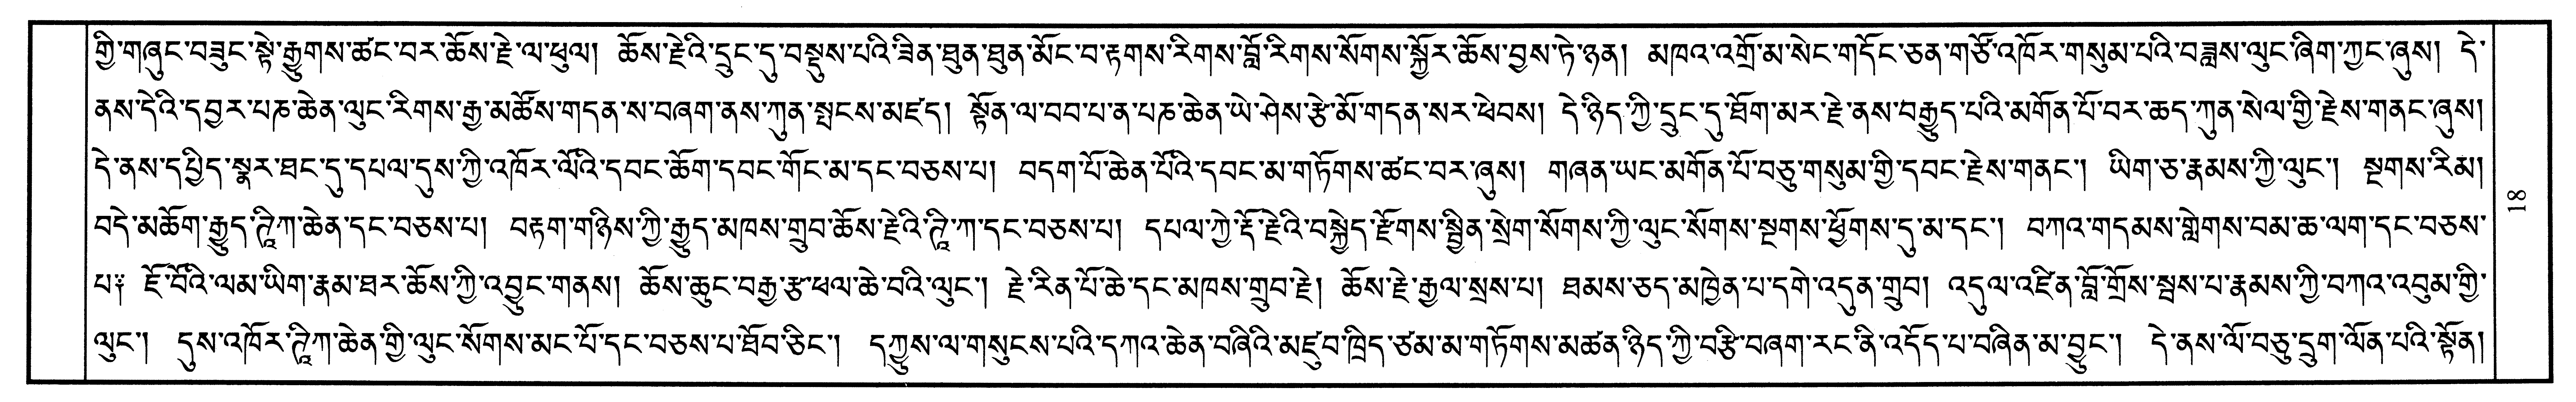གྱི་གཞུང་བཟུང་སྟེ་རྒྱུགས་ཚང་བར་ཆོས་རྗེ་ལ་ཕུལ། ཆོས་རྗེའི་དྲུང་དུ་བསྡུས་པའི་ཟིན་ཐུན་ཐུན་མོང་བ་རྟགས་རིགས་བློ་རིགས་སོགས་སྐྱོར་ཆོས་བྱས་ཏེ་ཉན། མཁའ་འགྲོ་མ་སེང་གདོང་ཅན་གཙོ་འཁོར་གསུམ་པའི་བཟླས་ལུང་ཞིག་ཀྱང་ཞུས། དེ་
ནས་དེའི་དབྱར་པཎ་ཆེན་ལུང་རིགས་རྒྱ་མཚོས་གདན་ས་བཞག་ནས་ཀུན་སྤངས་མཛད། སྟོན་ལ་བབ་པ་ན་པཎ་ཆེན་ཡེ་ཤེས་རྩེ་མོ་གདན་སར་ཕེབས། དེ་ཉིད་ཀྱི་དྲུང་དུ་ཐོག་མར་རྗེ་ནས་བརྒྱུད་པའི་མགོན་པོ་བར་ཆད་ཀུན་སེལ་གྱི་རྗེས་གནང་ཞུས།
དེ་ནས་དཔྱིད་སྣར་ཐང་དུ་དཔལ་དུས་ཀྱི་འཁོར་ལོའི་དབང་ཆོག་དབང་གོང་མ་དང་བཅས་པ། བདག་པོ་ཆེན་པོའི་དབང་མ་གཏོགས་ཚང་བར་ཞུས། གཞན་ཡང་མགོན་པོ་བཅུ་གསུམ་གྱི་དབང་རྗེས་གནང་། ཡིག་ཅ་རྣམས་ཀྱི་ལུང་། སྔགས་རིམ།
བདེ་མཆོག་རྒྱུད་ཊཱིཀ་ཆེན་དང་བཅས་པ། བརྟག་གཉིས་ཀྱི་རྒྱུད་མཁས་གྲུབ་ཆོས་རྗེའི་ཊཱིཀ་དང་བཅས་པ། དཔལ་ཀྱེ་རྡོ་རྗེའི་བསྐྱེད་རྫོགས་སྦྱིན་སྲེག་སོགས་ཀྱི་ལུང་སོགས་སྔགས་ཕྱོགས་དུ་མ་དང་། བཀའ་གདམས་གླེགས་བམ་ཆ་ལག་དང་བཅས་
པ༑ ཇོ་བོའི་ལམ་ཡིག་རྣམ་ཐར་ཆོས་ཀྱི་འབྱུང་གནས། ཆོས་ཆུང་བརྒྱ་རྩ་ཕལ་ཆེ་བའི་ལུང་། རྗེ་རིན་པོ་ཆེ་དང་མཁས་གྲུབ་རྗེ། ཆོས་རྗེ་རྒྱལ་སྲས་པ། ཐམས་ཅད་མཁྱེན་པ་དགེ་འདུན་གྲུབ། འདུལ་འཛིན་བློ་གྲོས་སྦས་པ་རྣམས་ཀྱི་བཀའ་འབུམ་གྱི་
ལུང་། དུས་འཁོར་ཊཱིཀ་ཆེན་གྱི་ལུང་སོགས་མང་པོ་དང་བཅས་པ་ཐོབ་ཅིང་། དཀྱུས་ལ་གསུངས་པའི་དཀའ་ཆེན་བཞིའི་མཛུབ་ཁྲིད་ཙམ་མ་གཏོགས་མཚན་ཉིད་ཀྱི་བརྩི་བཞག་རང་ནི་འདོད་པ་བཞིན་མ་བྱུང་། དེ་ནས་ལོ་བཅུ་དྲུག་ལོན་པའི་སྟོན།